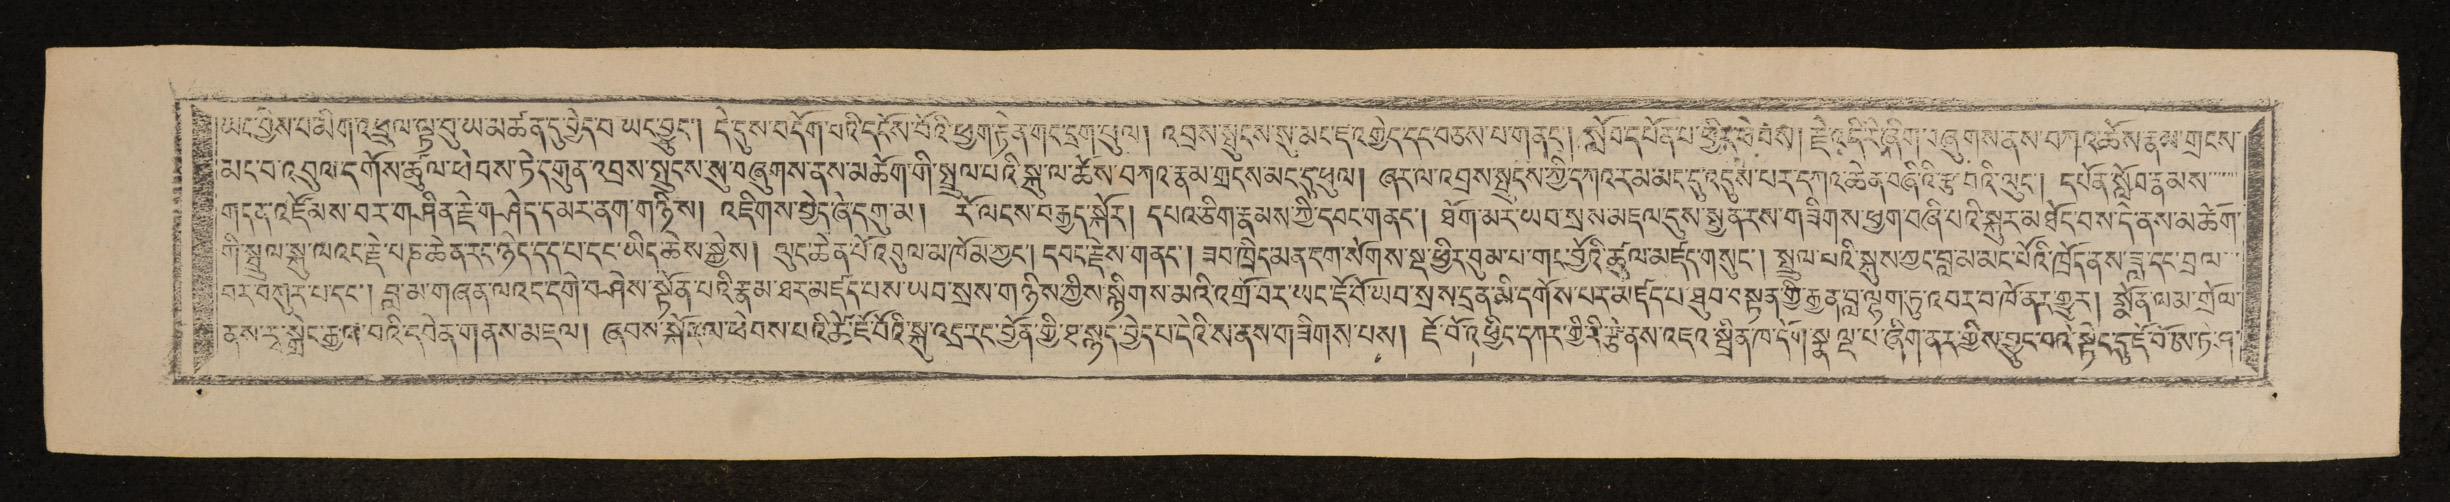ཡང་བྱིས་པ་མིག་འཕྲུལ་ལྟ་བུ་ཡ་མཚན་དུ་བྱེད་པ་ཡང་བྱུང་། དེ་དུས་བདོག་པའི་དངོས་པོའི་ཕྱག་རྟེན་གང་དྲག་ཕུལ། འབྲས་སྤུངས་སུ་མང་ཇ་འགྱད་དང་བཅས་པ་གནང་། སློབ་དཔོན་པ་ཕྱིར་ཕེབས། རྗེ་འདི་རེ་ཞིག་བཞུགས་ནས་བཀའ་ཆོས་རྣམ་གྲངས་
མང་བ་འབུལ་དགོས་ཚུལ་ཕེབས་ཏེ་དགུན་འབྲས་སྤུངས་སུ་བཞུགས་ནས་མཆོག་གི་སྤྲུལ་པའི་སྐུ་ལ་ཆོས་བཀའ་རྣམ་གྲངས་མང་དུ་ཕུལ། ཞར་ལ་འབྲས་སྤུངས་ཀྱི་དཀའ་རམ་མང་དུ་འདུས་པར་དཀའ་ཆེན་བཞིའི་རྩ་བའི་ལུང་། དཔོན་སློབ་རྣམས་
གདན་འཛོམས་པར་གཤིན་རྗེ་གཤེད་དམར་ནག་གཉིས། འཇིགས་བྱེད་ཞེ་དགུ་མ། རོ་ལངས་བརྒྱད་སྐོར། དཔའ་ཅིག་རྣམས་ཀྱི་དབང་གནང་། ཐོག་མར་ཡབ་སྲས་མཇལ་དུས་སྤྱན་རས་གཟིགས་ཕྱག་བཞི་པའི་སྐུར་མཐོང་བས་དེ་ནས་མཆོག་
གི་སྤྲུལ་སྐུ་ལའང་རྗེ་པཎ་ཆེན་རང་ཉིད་དང་པ་དང་ཡིད་ཆེས་སྐྱེས། ལུང་ཆེན་པོ་འབུལ་མཁོམ་ཀྱང་། དབང་རྗེས་གནང་། ཟབ་ཁྲིད་མན་ངག་སོགས་སྔ་ཕྱིར་བུམ་པ་གང་བྱོའི་ཚུལ་མཛད་གསུང་། སྤྲུལ་པའི་སྐུས་ཀྱང་བླ་མ་མང་པོའི་ཁྲོད་ནས་ཟླ་དང་བྲལ་
བར་བཀུར་བ་དང་། བླ་མ་གཞན་ལའང་དགེ་བཤེས་སྟོན་པའི་རྣམ་ཐར་མཛད་པས་ཡབ་སྲས་གཉིས་ཀྱིས་སྙིགས་མའི་འགྲོ་བར་ཡང་ཇོ་བོ་ཡང་སྲས་དྲན་མི་དགོས་པར་མཛད་པ་ཐུབ་བསྟན་གྱི་རྒྱན་བླ་ལྷག་ཏུ་འབར་བ་ཁོ་ནར་གྱུར། སྨོན་ལམ་གྲོལ་
ནས་ན་སྒྲེད་རྒྱལ་བའི་དབེན་གནས་མཇལ། ཞབས་སྐོར་ལ་ཕེབས་པའི་ཚེ་ཇོ་བོའི་སྐུ་འདྲ་རང་བྱོན་གྱི་ཐ་སྙད་བྱེད་པ་དེའི་ས་ནས་གཟིགས་པས། ཇོ་བོ་འཕྱིད་དཀར་གྱི་རི་རྩེ་ནས་འཇའ་སྤྲིན་ཁ་དོག་སྣ་ལྔ་པ་ཞིག་ནར་གྱིས་བྱུང་བའི་སྟེང་དུ་ཇོ་བོ་ཨ་ཏི་ཤ།